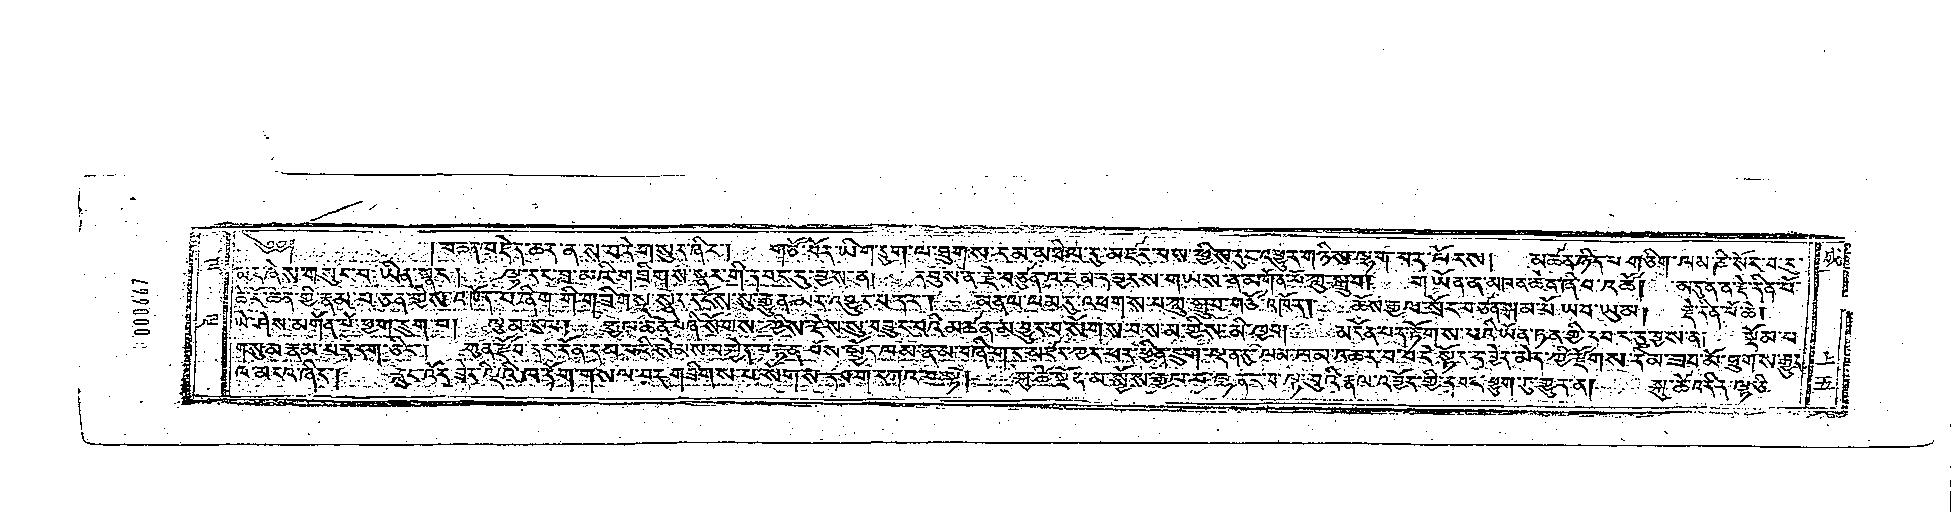༄༅། །བཅན་བརྗེད་ཆར་ནས་བྲེ་གསུང་ཞིང་། གཙོ་བོར་ཡིག་དྲུག་ལ་ཐུགས་དམ་མཐིལ་དུ་མཛད་པས་ཕྱིམ་དུང་འཕྱུར་གཉིས་ལྷག་པར་ལོངས། མཚན་ཉིད་པ་གཅིག་ལམ་ཎི་སོང་བ་དུ་
མང་ཞེས་གསུང་བ་ཡིན་སྣང་། ལྷ་དང་བླ་མའི་གཟིགས་སྣང་གི་དབང་དུ་བྱས་ན། དབུས་ན་རྗེ་བཙུན་འཇམ་དབྱངས་གཡས་ན་མགོན་པོ་ཀླུ་སྒྲུབ། གཡོན་ན་མཁན་ཆེན་ཞི་བ་འཚོ། མདུན་ན་རྗེ་རིན་པོ་
ཆེ་ངོ་ཆེན་གྱི་རྣམ་པ་ཅན་གྱིས་འཁོར་པ་ཞིག་གི་གཟིག་སྔ་སྣང་དངོས་སུ་རྒྱུན་མར་འབྱུང་པ་དང་། མནལ་ལམ་དུ་འཕགས་པ་ཀླུ་སྒྲུབ་གཙོ་འཁོར། ཆོས་རྒྱལ་སྲོང་བཙན་སྒམ་པོ་ཡབ་ཡུམ། རྗེ་རིན་པོ་ཆེ།
ཡེ་ཤེས་མགོན་པོ་ཕྱག་དྲུག་པ། ལྕམ་དྲལ། རྒྱལ་ཆེན་བཞི་སོགས་ཀྱིས་རྗེས་སུ་བཟུང་བའི་མཚན་མ་བྱུང་བ་སོགས་བས་མ་གྱིས་མི་ཁྱབ། མངོན་པར་རྟོགས་པའི་ཡོན་ཏན་གྱི་དབང་དུ་བྱས་ན། སྡོམ་པ་
གསུམ་རྣམ་པར་དག་ཅིང་། ཀུན་རྫོབ་དང་དོན་དམ་པའི་སེམས་བསྐྱེད་བརྟན་པོས་སྤྱོད་ལམ་རྣམ་བཞི་གང་མཛད་ཀྱང་ཕར་ཕྱིན་དྲུག་ལྡན་དུ་ལམ་ལམ་འཆར་བ་བདེ་སྟོང་དབྱེར་མེད་ཀྱི་རྫོགས་རིམ་ཟབ་མོ་ཐུགས་རྒྱུད་
ལ་མངའ་ཞིང་། རླུང་འོད་ཟེར་ལྔའི་ཁ་དོག་གསལ་བར་གཟིགས་པ་སོགས་དཔག་དཀའ་བ་སྟེ། སྐུ་ཚི་སྔོན་མ་སྨྱོས་རྒྱལ་བ་ལྷ་ནང་བ་ལྟ་བུའི་རྣལ་འབྱོར་གྱི་དབང་ཕྱུག་ཏུ་གྱུར་ན། སྐུ་ཚེ་འདིར་ལྟ་ཅི་